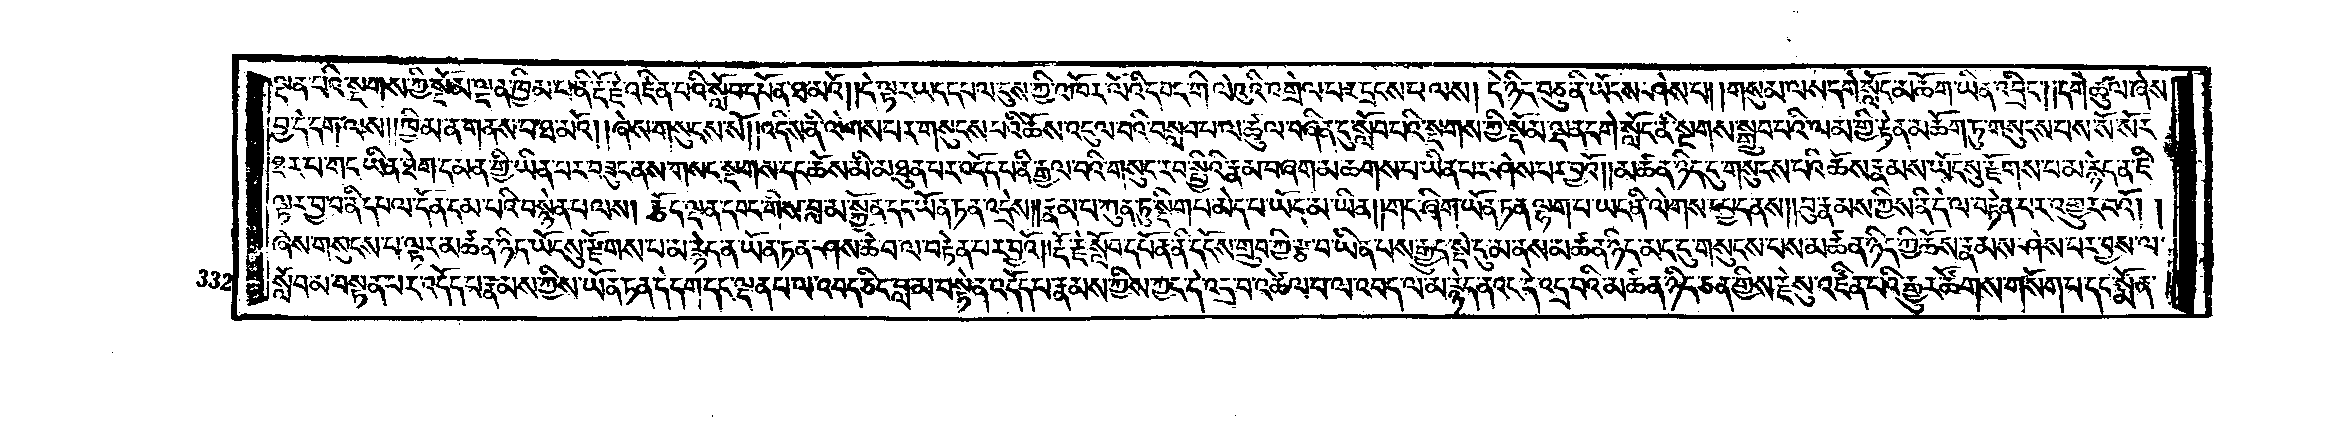ལྡན་པའི་སྔགས་ཀྱི་སྡོམ་ལྡན་ཁྱིམ་པ་ནི་རྡོ་རྗེ་འཛིན་པའི་སློབ་དཔོན་ཐ་མའོ། །དེ་ལྟར་ཡང་དཔལ་དུས་ཀྱི་འཁོར་ལོའི་དབང་གི་ལེའུའི་འགྲེལ་པར་དྲངས་པ་ལས། དེ་ཉིད་བཅུ་ནི་ཡོངས་ཤེས་པ། །གསུམ་ལས་དགེ་སློང་མཆོག་ཡིན་འབྲིང་། །དགེ་ཚུལ་ཞེས་
བྱ་དེ་དག་ལས། །ཁྱིམ་ན་གནས་པ་ཐ་མའོ། །ཞེས་གསུངས་སོ། །འདིས་ནི་ལེགས་པར་གསུངས་པའི་ཆོས་འདུལ་བའི་བསླབ་པ་ལ་ཚུལ་བཞིན་དུ་སློབ་པའི་སྔགས་ཀྱི་སྡོམ་ལྡན་དགེ་སློང་ནི་སྔགས་སྒྲུབ་པའི་ལམ་གྱི་རྟེན་མཆོག་ཏུ་གསུངས་པས་སོ་སོར་
ཐར་པ་གང་ཡིན་ཐེག་དམན་གྱི་ཡིན་པར་བཟུང་ནས་གསང་སྔགས་དང་ཆོས་མི་མཐུན་པར་འདོད་པ་ནི་རྒྱལ་བའི་གསུང་རབ་སྤྱིའི་རྣམ་བཞག་མ་ཆགས་པ་ཡིན་པར་ཤེས་པར་བྱའོ། །མཚན་ཉིད་དུ་གསུངས་པའི་ཆོས་རྣམས་ཡོངས་སུ་རྫོགས་པ་མ་རྙེད་ན་ཇི་
ལྟར་བྱ་བ་ནི་དཔལ་དོན་དམ་པའི་བསྙེན་པ་ལས། རྩོད་ལྡན་དབང་གིས་བླ་མ་སྐྱོན་དང་ཡོན་ཏན་འདྲེས། །རྣམ་པ་ཀུན་ཏུ་སྡིག་པ་མེད་པ་ཡོད་མ་ཡིན། །གང་ཞིག་ཡོན་ཏན་ལྷག་པ་ཡང་ནི་ལེགས་དཔྱད་ནས། །བུ་རྣམས་ཀྱིས་ནི་དེ་ལ་བརྟེན་པར་འགྱུར་བའོ། །
ཞེས་གསུངས་པ་ལྟར་མཚན་ཉིད་ཡོངས་སུ་རྫོགས་པ་མ་རྙེད་ན་ཡོན་ཏན་ཤས་ཆེ་བ་ལ་བརྟེན་པར་བྱའོ། །རྡོ་རྗེ་སློབ་དཔོན་ནི་དངོས་གྲུབ་ཀྱི་རྩ་བ་ཡིན་པས་རྒྱུད་སྡེ་དུ་མ་ནས་མཚན་ཉིད་མང་དུ་གསུངས་པས་མཚན་ཉིད་ཀྱི་ཆོས་རྣམས་ཤེས་པར་བྱས་ལ་
སློབ་མ་བསྟན་པར་འདོད་པ་རྣམས་ཀྱིས་ཡོན་ཏན་དེ་དག་དང་ལྡན་པ་ལ་འབད་ཅིང་བླ་མ་བསྟེན་འདོད་པ་རྣམས་ཀྱིས་ཀྱང་དེ་འདྲ་བ་འཚེལ་བ་ལ་འབད་ལ་མ་རྙེད་ནའང་དེ་འདྲ་བའི་མཚན་ཉིད་ཅན་གྱིས་རྗེས་སུ་འཛིན་པའི་རྒྱུར་ཚོགས་གསོག་པ་དང་སྨོན་